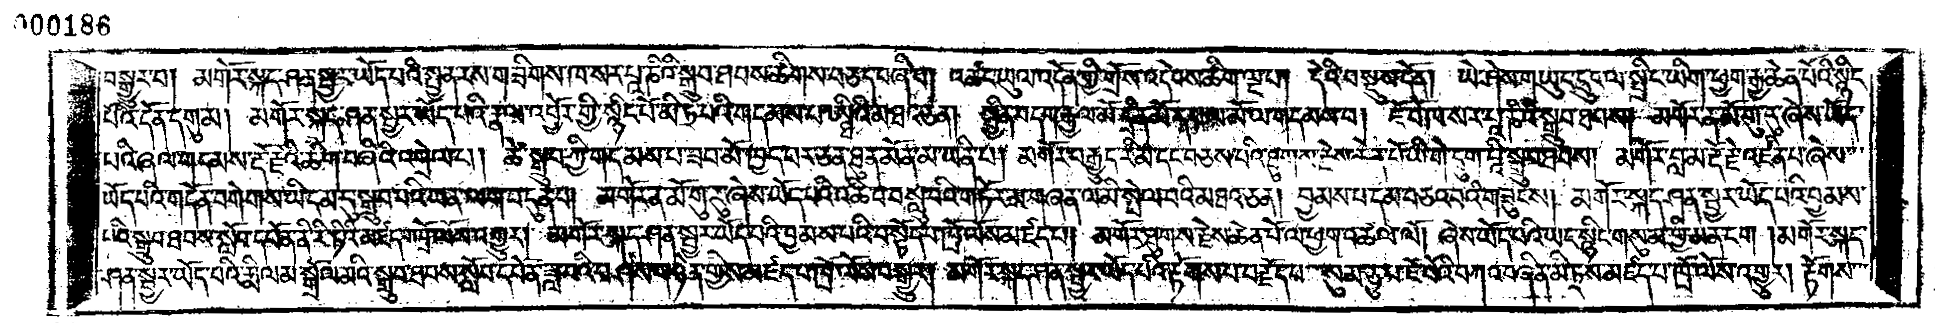བསྒྱུར་བ། མགོར་སྐད་ཤན་སྦྱར་ཡོད་པའི་སྤྱན་རས་གཟིགས་ཁ་སར་པཱ་ཎིའི་སྒྲུབ་ཐབས་ཚིགས་བཅད་བཞི་བ། འཚང་ཡུལ་འདོན་གྱི་གྲོས་འདེབས་ཚིག་ལྔ་པ། དེའི་བསྡུས་དོན། ཡེ་ཤེས་གཡུང་དྲུང་ལ་སྦྲིང་ཡིག་ཕྱག་རྒྱ་ཆེན་པོའི་སྙིང་
པོའི་དོན་དགུ་མ། མགོར་སྐད་ཤན་སྦྱར་ཡོད་པའི་རྣལ་འབྱོར་གྱི་སྙིང་པོ་མི་ཏྲ་པའི་གདམས་པ་ཨཐིའི་མཐའ་ཅན། སྦྱིན་བདག་རྒྱལ་མོ་དྲིན་མོ་དཔལ་མོ་ལ་གདམས་པ། ཇོ་བོ་ཁ་སར་པཱ་ཎིའི་སྒྲུབ་ཐབས། མགོར་ན་མོ་གུ་རུ་ཞེས་ཡོད་
པའི་ཞལ་གདམས་རྡོ་རྗེའི་ཚིག་བཞིའི་འགྲེལ་པ། ཚེ་སྒྲུབ་ཀྱི་གདམས་པ་ཟབ་མོ་ཁྱད་པར་ཅན་ཐུན་མོན་མ་ཡིན་པ། མགོར་བརྒྱུད་རིམ་དང་བཅས་པའི་ཐུགས་རྗེས་ཆེན་པོ་ཡི་གེ་དྲུག་པའི་སྒྲུབ་ཐབས། མགོར་བླ་མ་རྡོ་རྗེ་འཛིན་པ་ཞེས་
ཡོད་པའི་གདོན་བགེགས་ཡི་དམ་དུ་སྒྲུབ་པའི་ཡན་ལག་བདུན་པ། མགོར་ན་མོ་གུ་རུ་ཞེས་ཡོད་པའི་འཆི་བ་བསླུ་བའི་གཏོར་མ་གཞན་ལ་མི་སྤེལ་བའི་མཐའ་ཅན། བྱམས་པ་དམ་བཅའ་བའི་གཟུངས། མགོར་སྐད་ཤན་སྦྱར་ཡོད་པའི་བྱམས་
པའི་སྒྲུབ་ཐབས་སློབ་དཔོན་ནི་རི་ཏིའི་མཛད་པ་ཁྲོ་ལོས་འགྱུར། མགོར་སྐད་ཤན་སྦྱར་ཡོད་པའི་བྱམས་པའི་བསྟོད་པ་ཁྲོ་ལོས་མཛད་པ། མགོར་ཐུགས་རྗེས་ཆེན་པོ་ལ་ཕྱག་འཚལ་ལོ། ཞེས་ཡོད་པའི་ཡང་སྙིང་གསུམ་གྱི་མན་ངག །མགོར་སྐད་
ཤན་སྦྱར་ཡོད་པའི་རྨི་ལམ་སྒྲོལ་མའི་སྒྲུབ་ཐབས་སློབ་དཔོན་ཟླ་བའི་བཤེས་གཉེན་གྱིས་མཛད་པ་ཁྲོ་ལོས་བསྒྱུར། མགོར་སྐད་ཤན་སྦྱར་ཡོད་པའི་རྟོགས་པ་བརྗོད་པ་སུམ་ཅུ་པ་ཇོ་བོའི་བཀའ་བཞིན་མི་ཏྲས་མཛད་པ་ཁྲོ་ལོས་འགྱུར། རྟོགས་